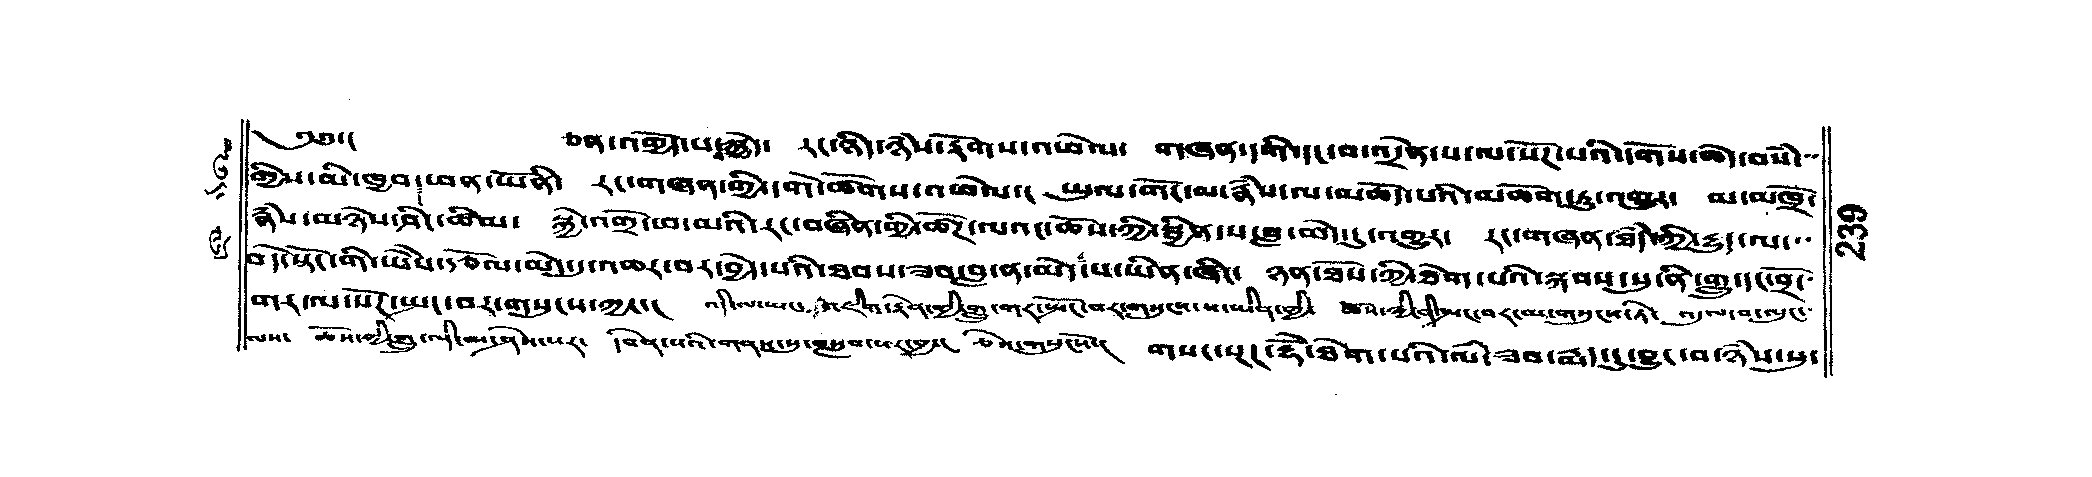ཅན་འགྱོད་པ་བསྐྱེད། རང་ཉིད་ཉམས་རྟོགས་འཕེལ། གཞན་དག་གི་དང་བ་འདྲེན་པ་ལ་སོགས་པའི་དགོས་ཆེད་བསམ་
གྱིས་མི་ཁྱབ། ཕན་ཡོན་ནི། རང་གཞན་གྱི་དགེ་ཚོགས་འཕེལ། ཡུལ་གོང་མ་རྣམས་ལ་མཆོད་པའི་མཆོག་ཏུ་འགྱུར། མ་མཁའ་འགྲོ་
རྣམས་མཉེས་ཤིང་ཚིམ། སྐྱེ་འགྲོ་ཕ་མའི་རང་བཞིན་གྱི་ཚོགས་ལའང་ཆོས་ཀྱི་སྦྱིན་པ་བླ་མེད་དུ་འགྱུར། རང་གཞན་ཐམས་ཅད་ཀྱི་རྒྱུད་ལ་
བདེ་སྟོང་གི་ཡེ་ཤེས་རྩོལ་མེད་དུ་འཆར་བར་བྱེད་པའི་ཐབས་ཟབ་བླ་ན་མེད་པ་ཡིན་ཞིང་། ཉན་ཐོས་ཀྱི་ཐེག་པའི་སྐབས་སུ་ནི་གླུ་དང་བྲོ་
གར་ལ་སོགས་སྤོང་བར་གསུངས་ཀྱང་། འདི་ལ་ཡང་། འཇིག་རྟེན་གྱི་གླུ་གར་སྤོང་བར་གསུངས་པ་ཡིན་གྱི། ཆོས་ཀྱི་ནི་སྤང་བར་མ་གསུངས་ཏེ། འདུལ་བ་ལུང་
ལས། ཆོས་ཀྱི་གླུ་འདི་མ་ཤེས་པར། དབེན་པའི་གནས་སུ་བསླབ་པར་བྱ། ཞེས་གསུངས་སོ། གསང་སྔགས་རྡོ་རྗེ་ཐེག་པའི་ལམ་ཟབ་རྨད་དུ་བྱུང་བ་ཉམས་སུ་